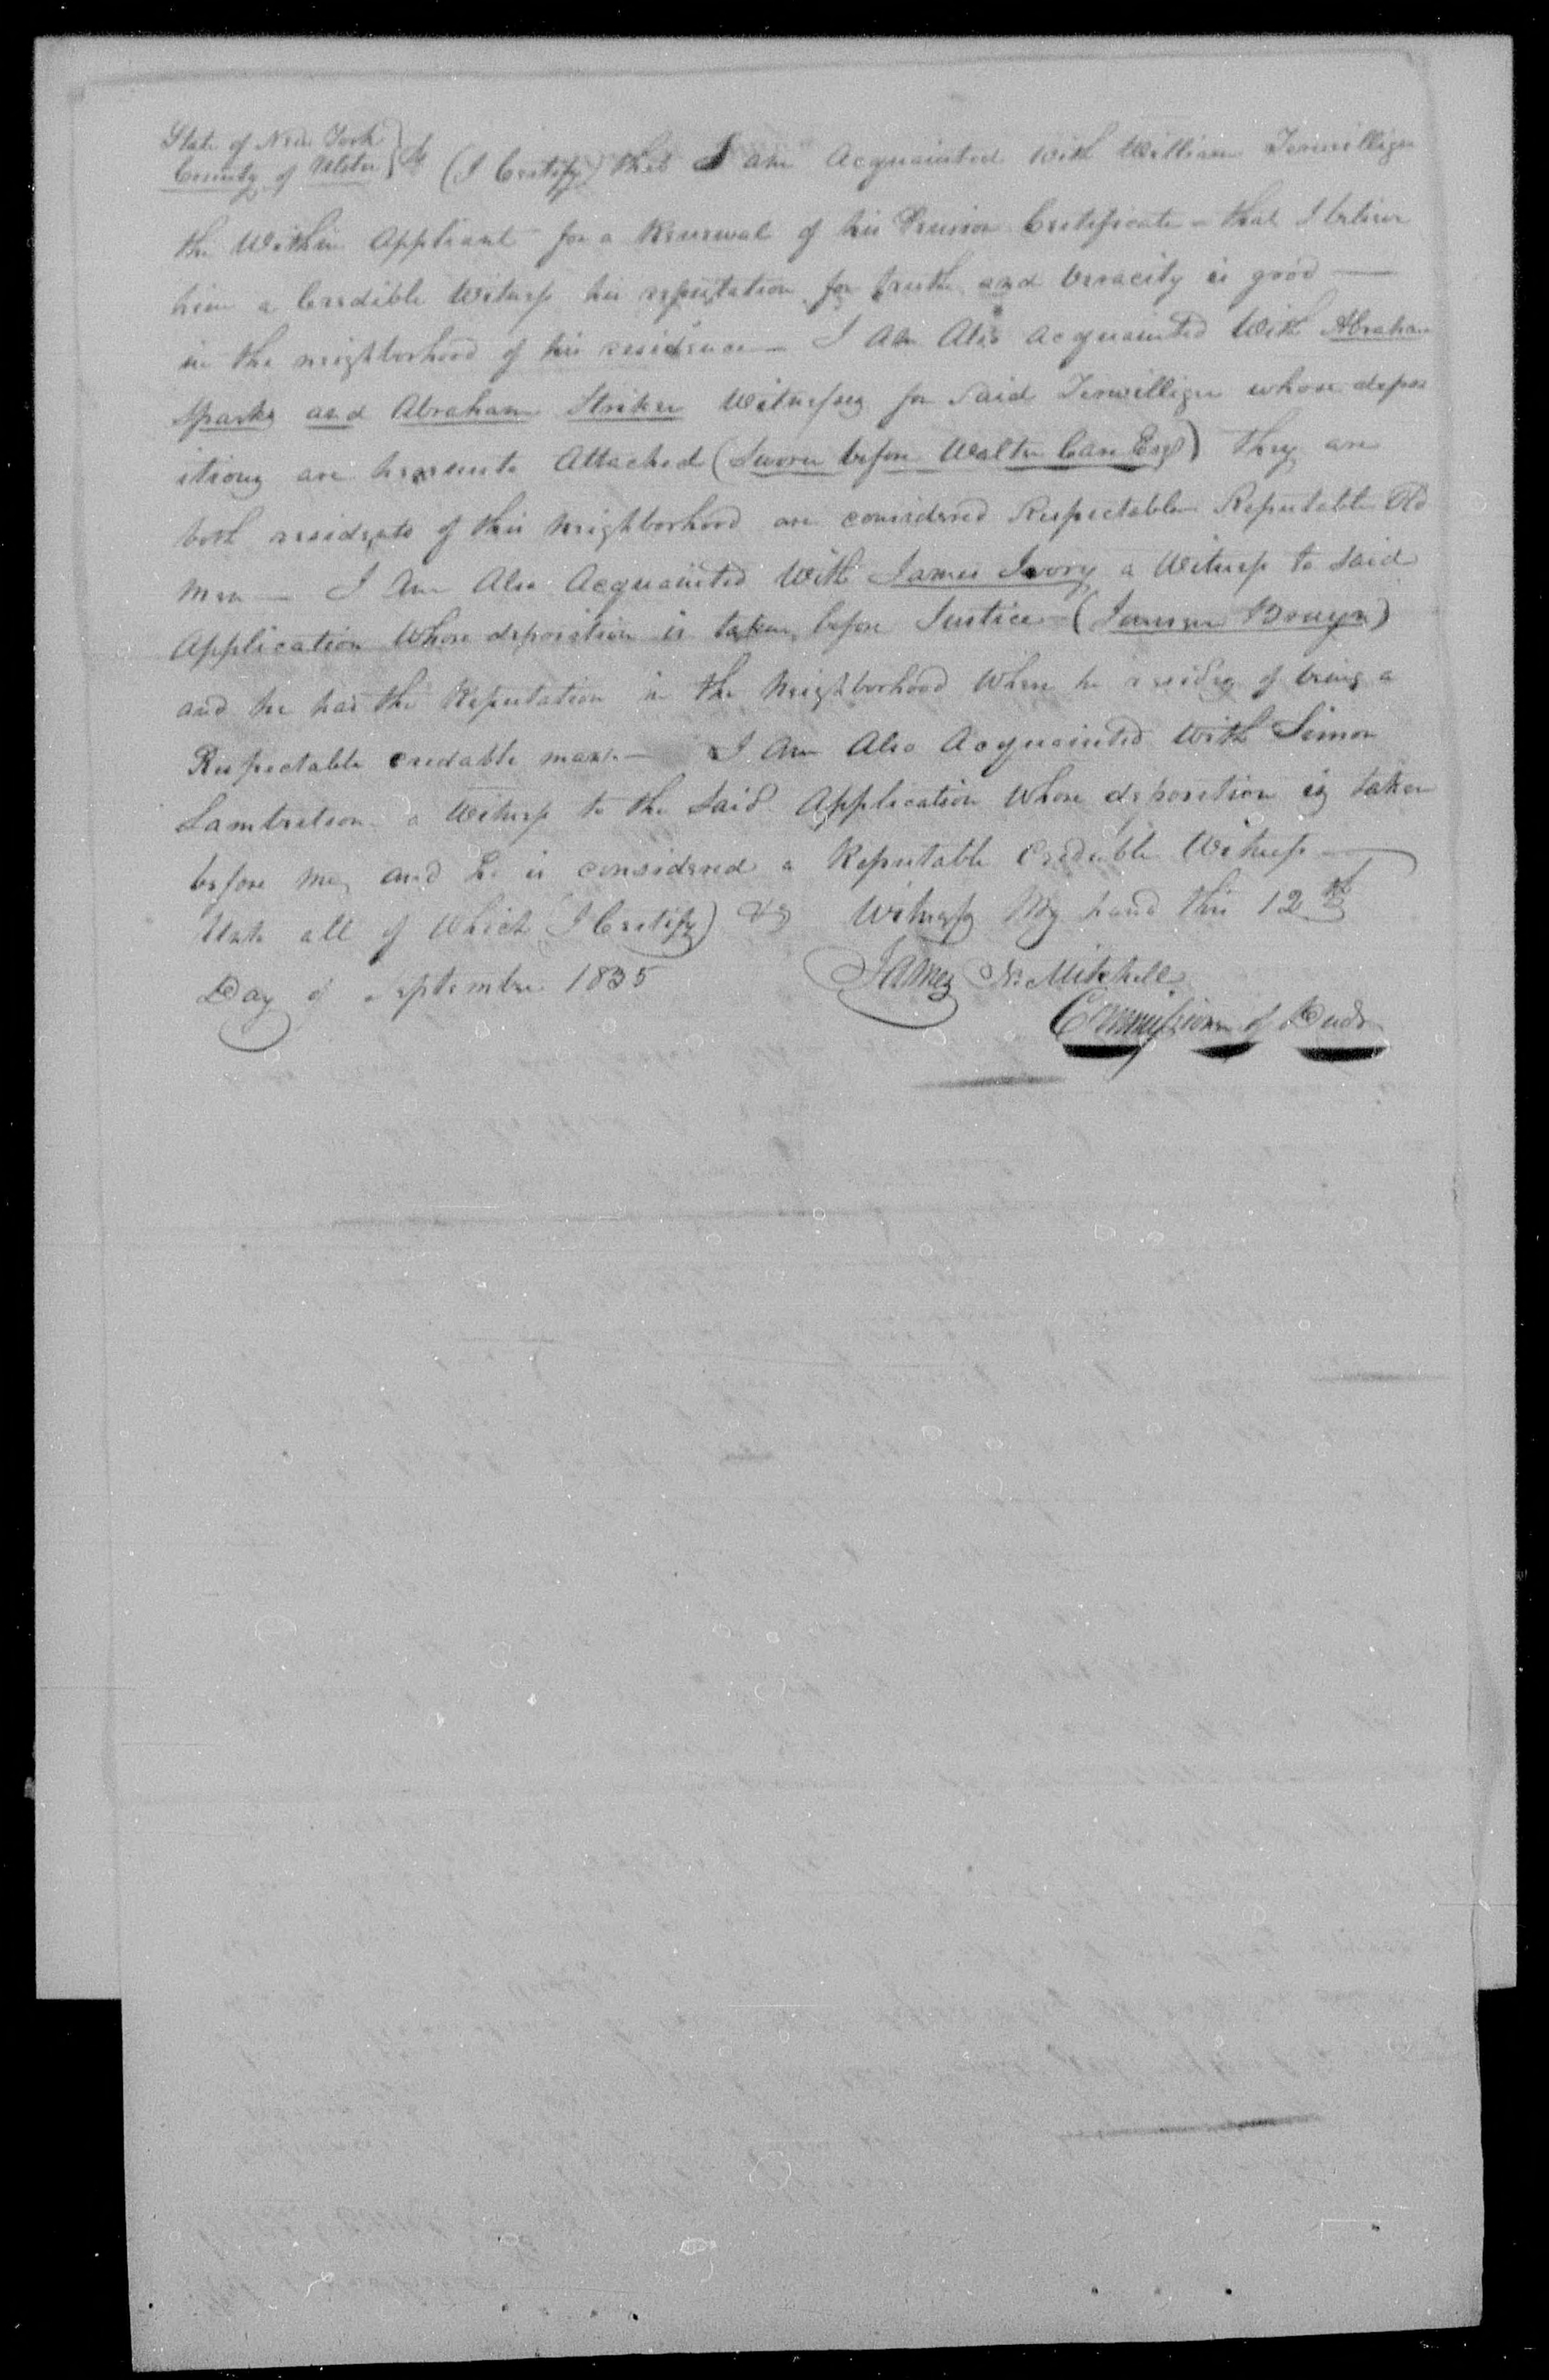State of New York
County Of Ulster 
I Certify to this I am acquainted with William Terwilliger
the within applicant for a renewal of his Pension Certificate that I believe
him a credible witness his reputation for truth and veracity is good
in the neighborhood of his residence I am also acquainted with Abraham
Sparks and Abraham Striker Witnesses for said Terwilliger whose depositions are hereunto attached (Sworn before Walter Can Esq.) they are
both resident of this neighborhood are considered respectable Reputable old men - 
I am also acquainted with James Ivory a witness to said
Application whose deposition is taken before Justice (Jansen Bonyn)
and he has the reputation in the neighborhood where he resides of being a
Respectable credible man. I am also acquainted with Simon
Lambition a witness to the said application whose deposition is taken
before me, and in considered a reputable credible witness
at all of which I Certify)

witness my hand this 12th
Day of September 1835
James N. Mitchell
Commissioner of Deeds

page: 49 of 64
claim: survivor's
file: S. 42,464, for William Terwilliger, New York